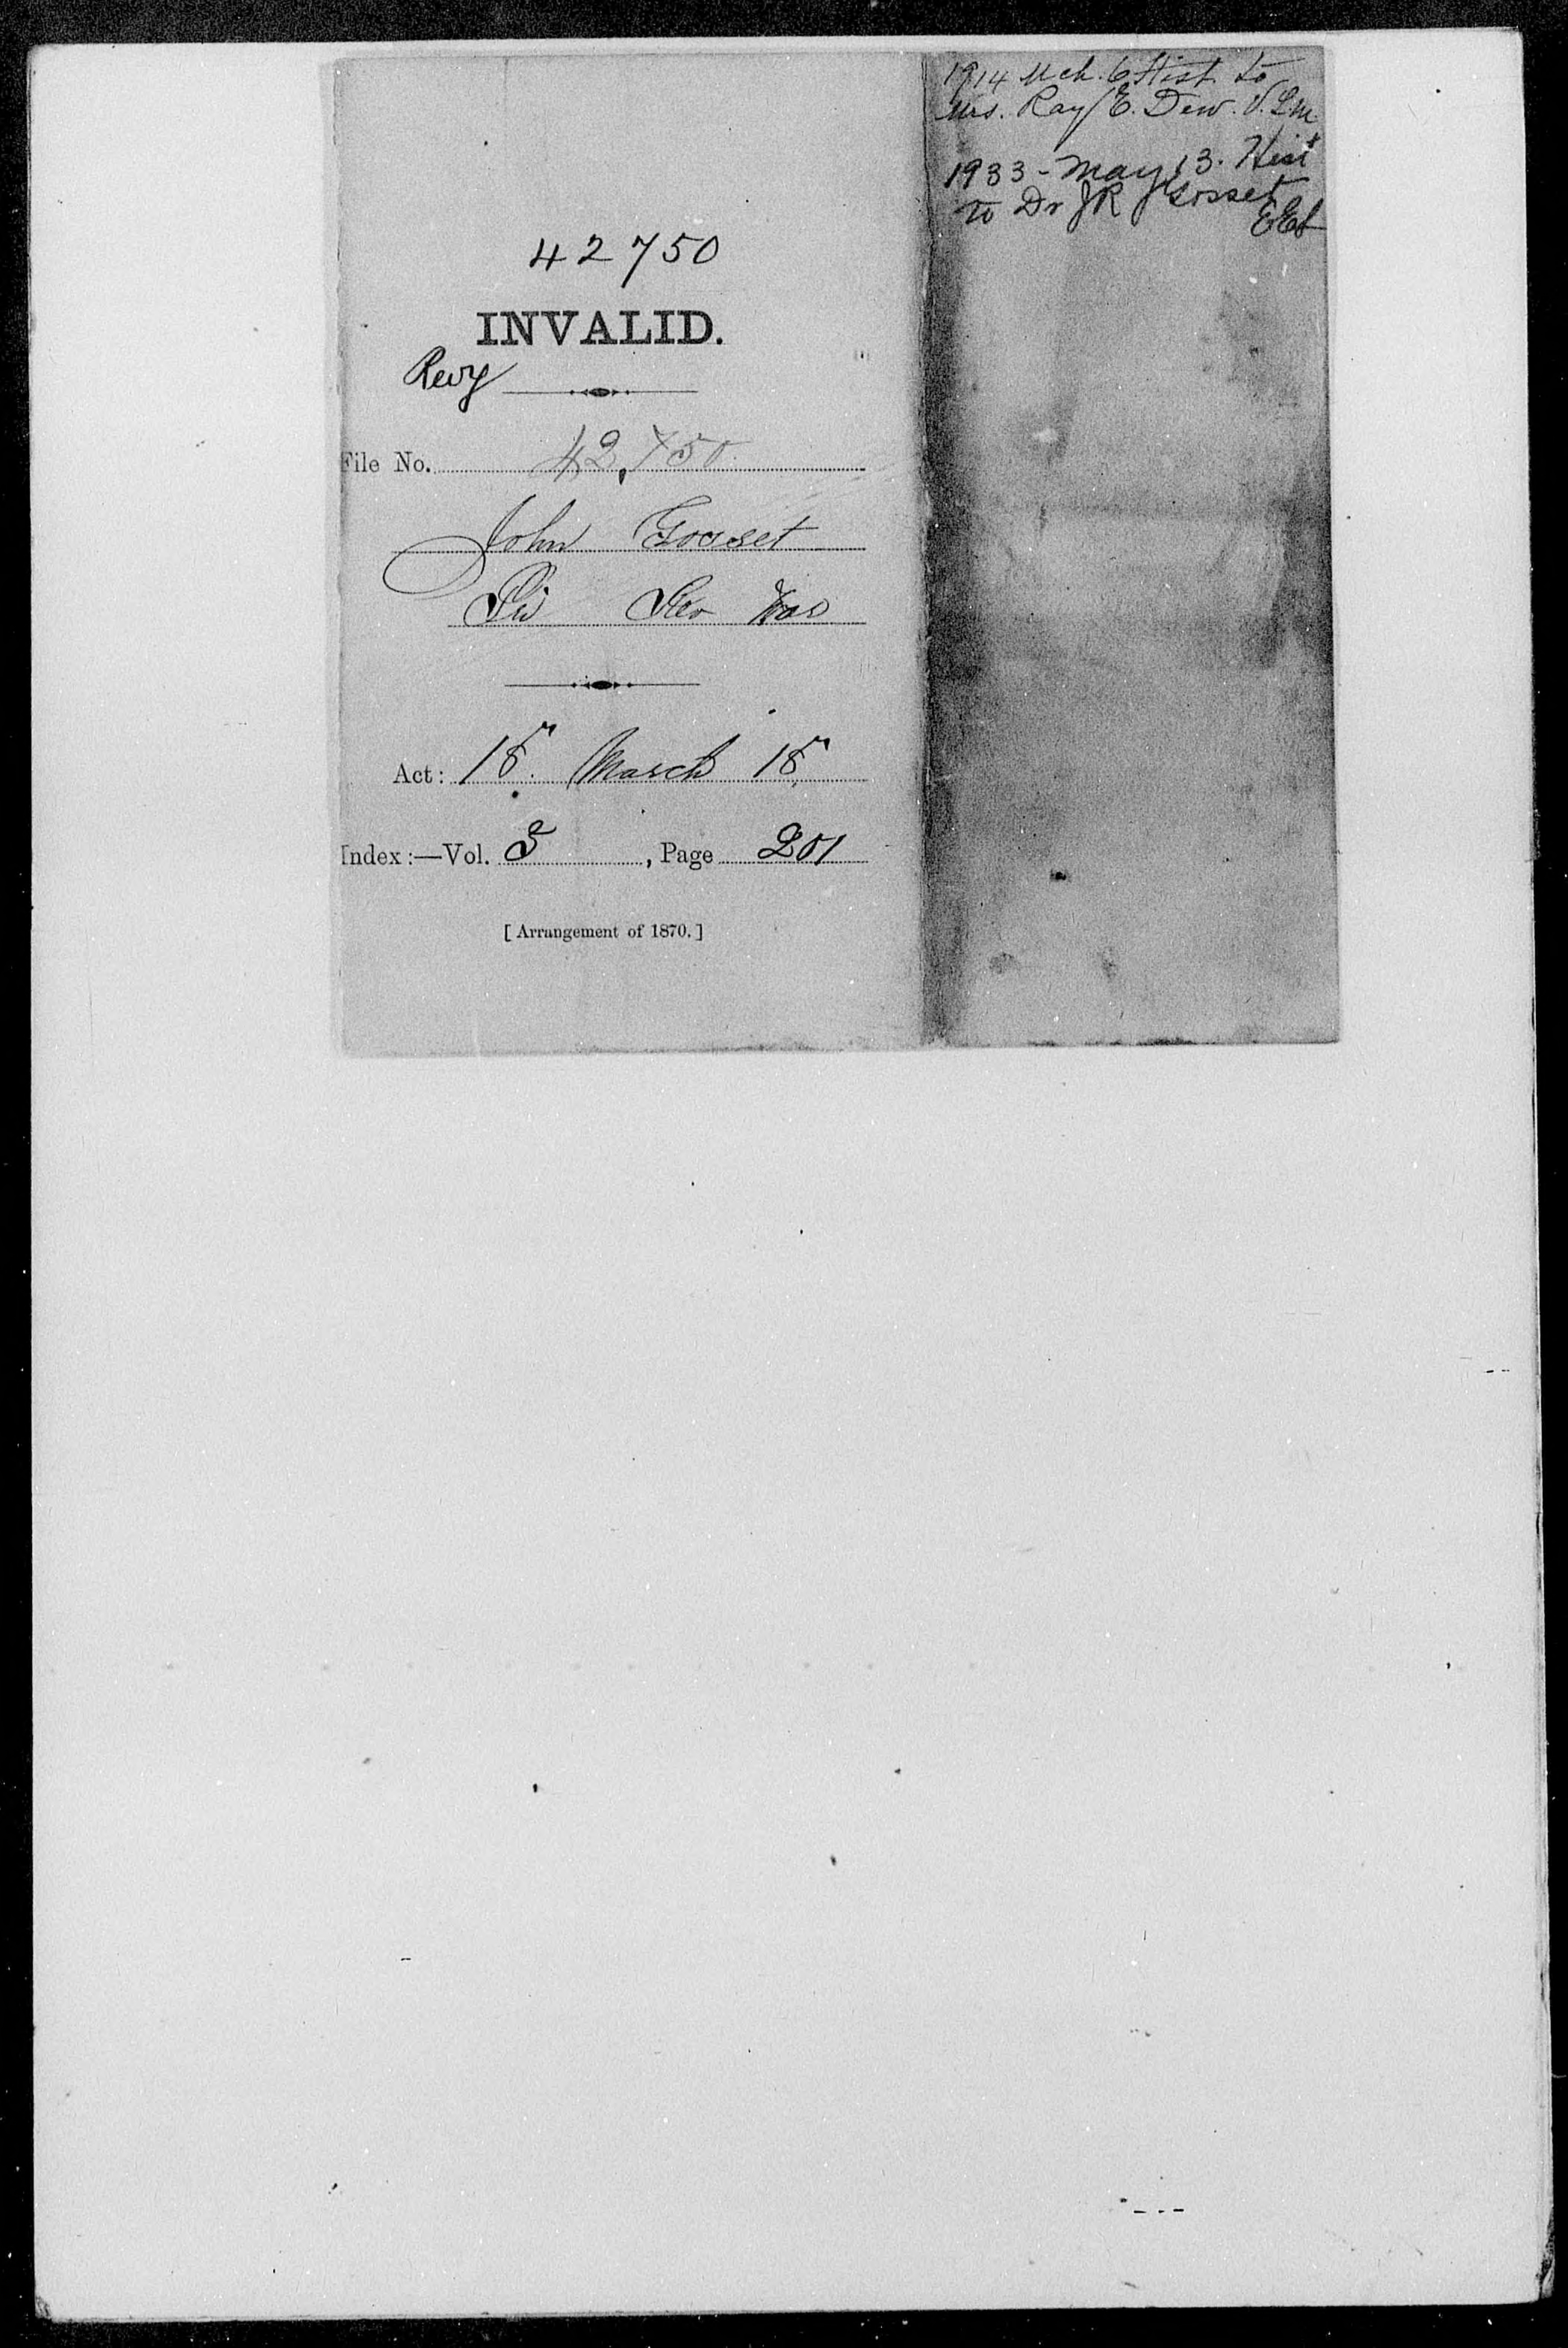[left page]
42750
INVALID.
Revy
File No. 42,750
John Gosset
Pvt Rev War
Act: 18th March 18
Index:- Vol. 5, Page 207
[Arrangement of 1870]

[right page]
1914 Mch. 6 hist to Mrs. Ray E Dew. V. L. M.
1933 - May 13. Hist to Dr. JR Gosset EES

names: J R Gosset, John Gosset, Ray E Dew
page: 14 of 21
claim: survivor's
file: S. 42,750, John Gosset, Va.